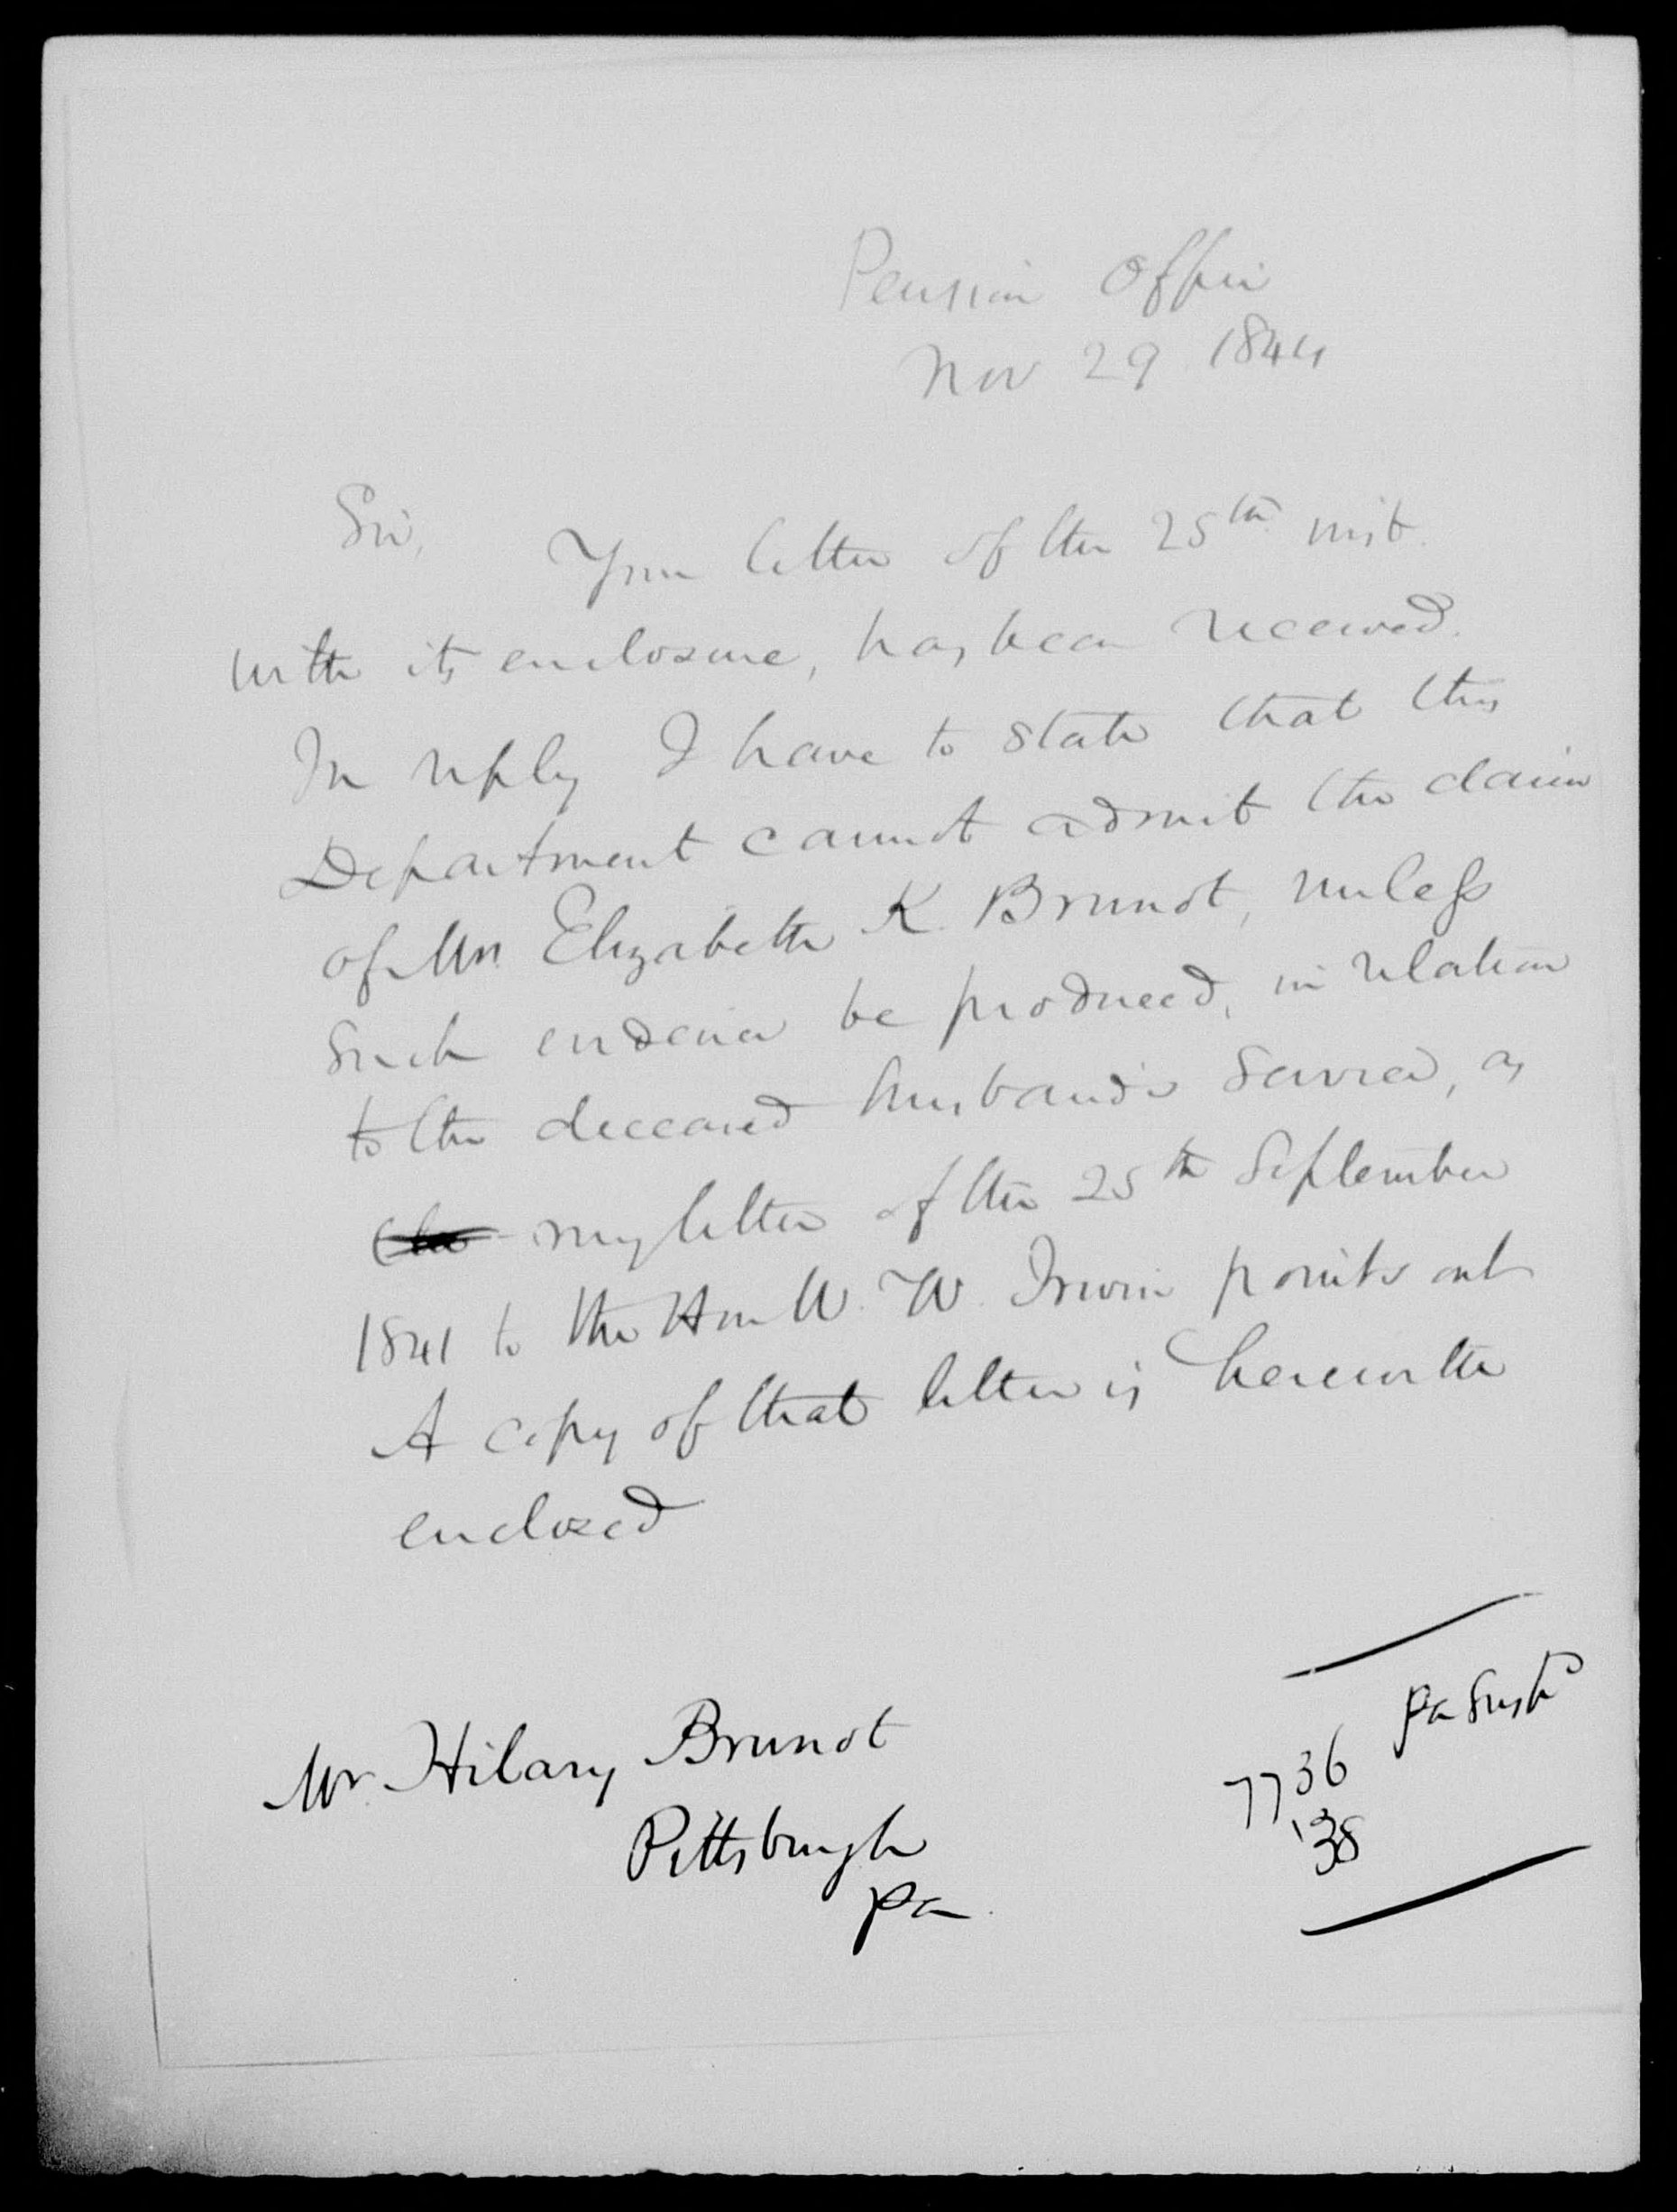Pension Office
Nov 29 1844 [1846?]
Sir,
your letter of this 25th [illegible] with its enclosure has been received.  In reply I have to state that this Department cannot admit the claim of Mrs. Elizabeth K. Brunot, unless such evidences be produced, in relation to the deceased husband's services, as my letters of this 25th September 1841 to the Hon. W W Irwin points out.  A copy of that letter is herewith enclosed.
Mr. Hilary Brunot
Pittsburgh Pa
7736 [illegible]
'38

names: Hilary Brunot, Elizabeth K Brunot, W W Irwin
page: 17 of 34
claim: rejected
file: R. 1371, Felix Brunot, Penn.